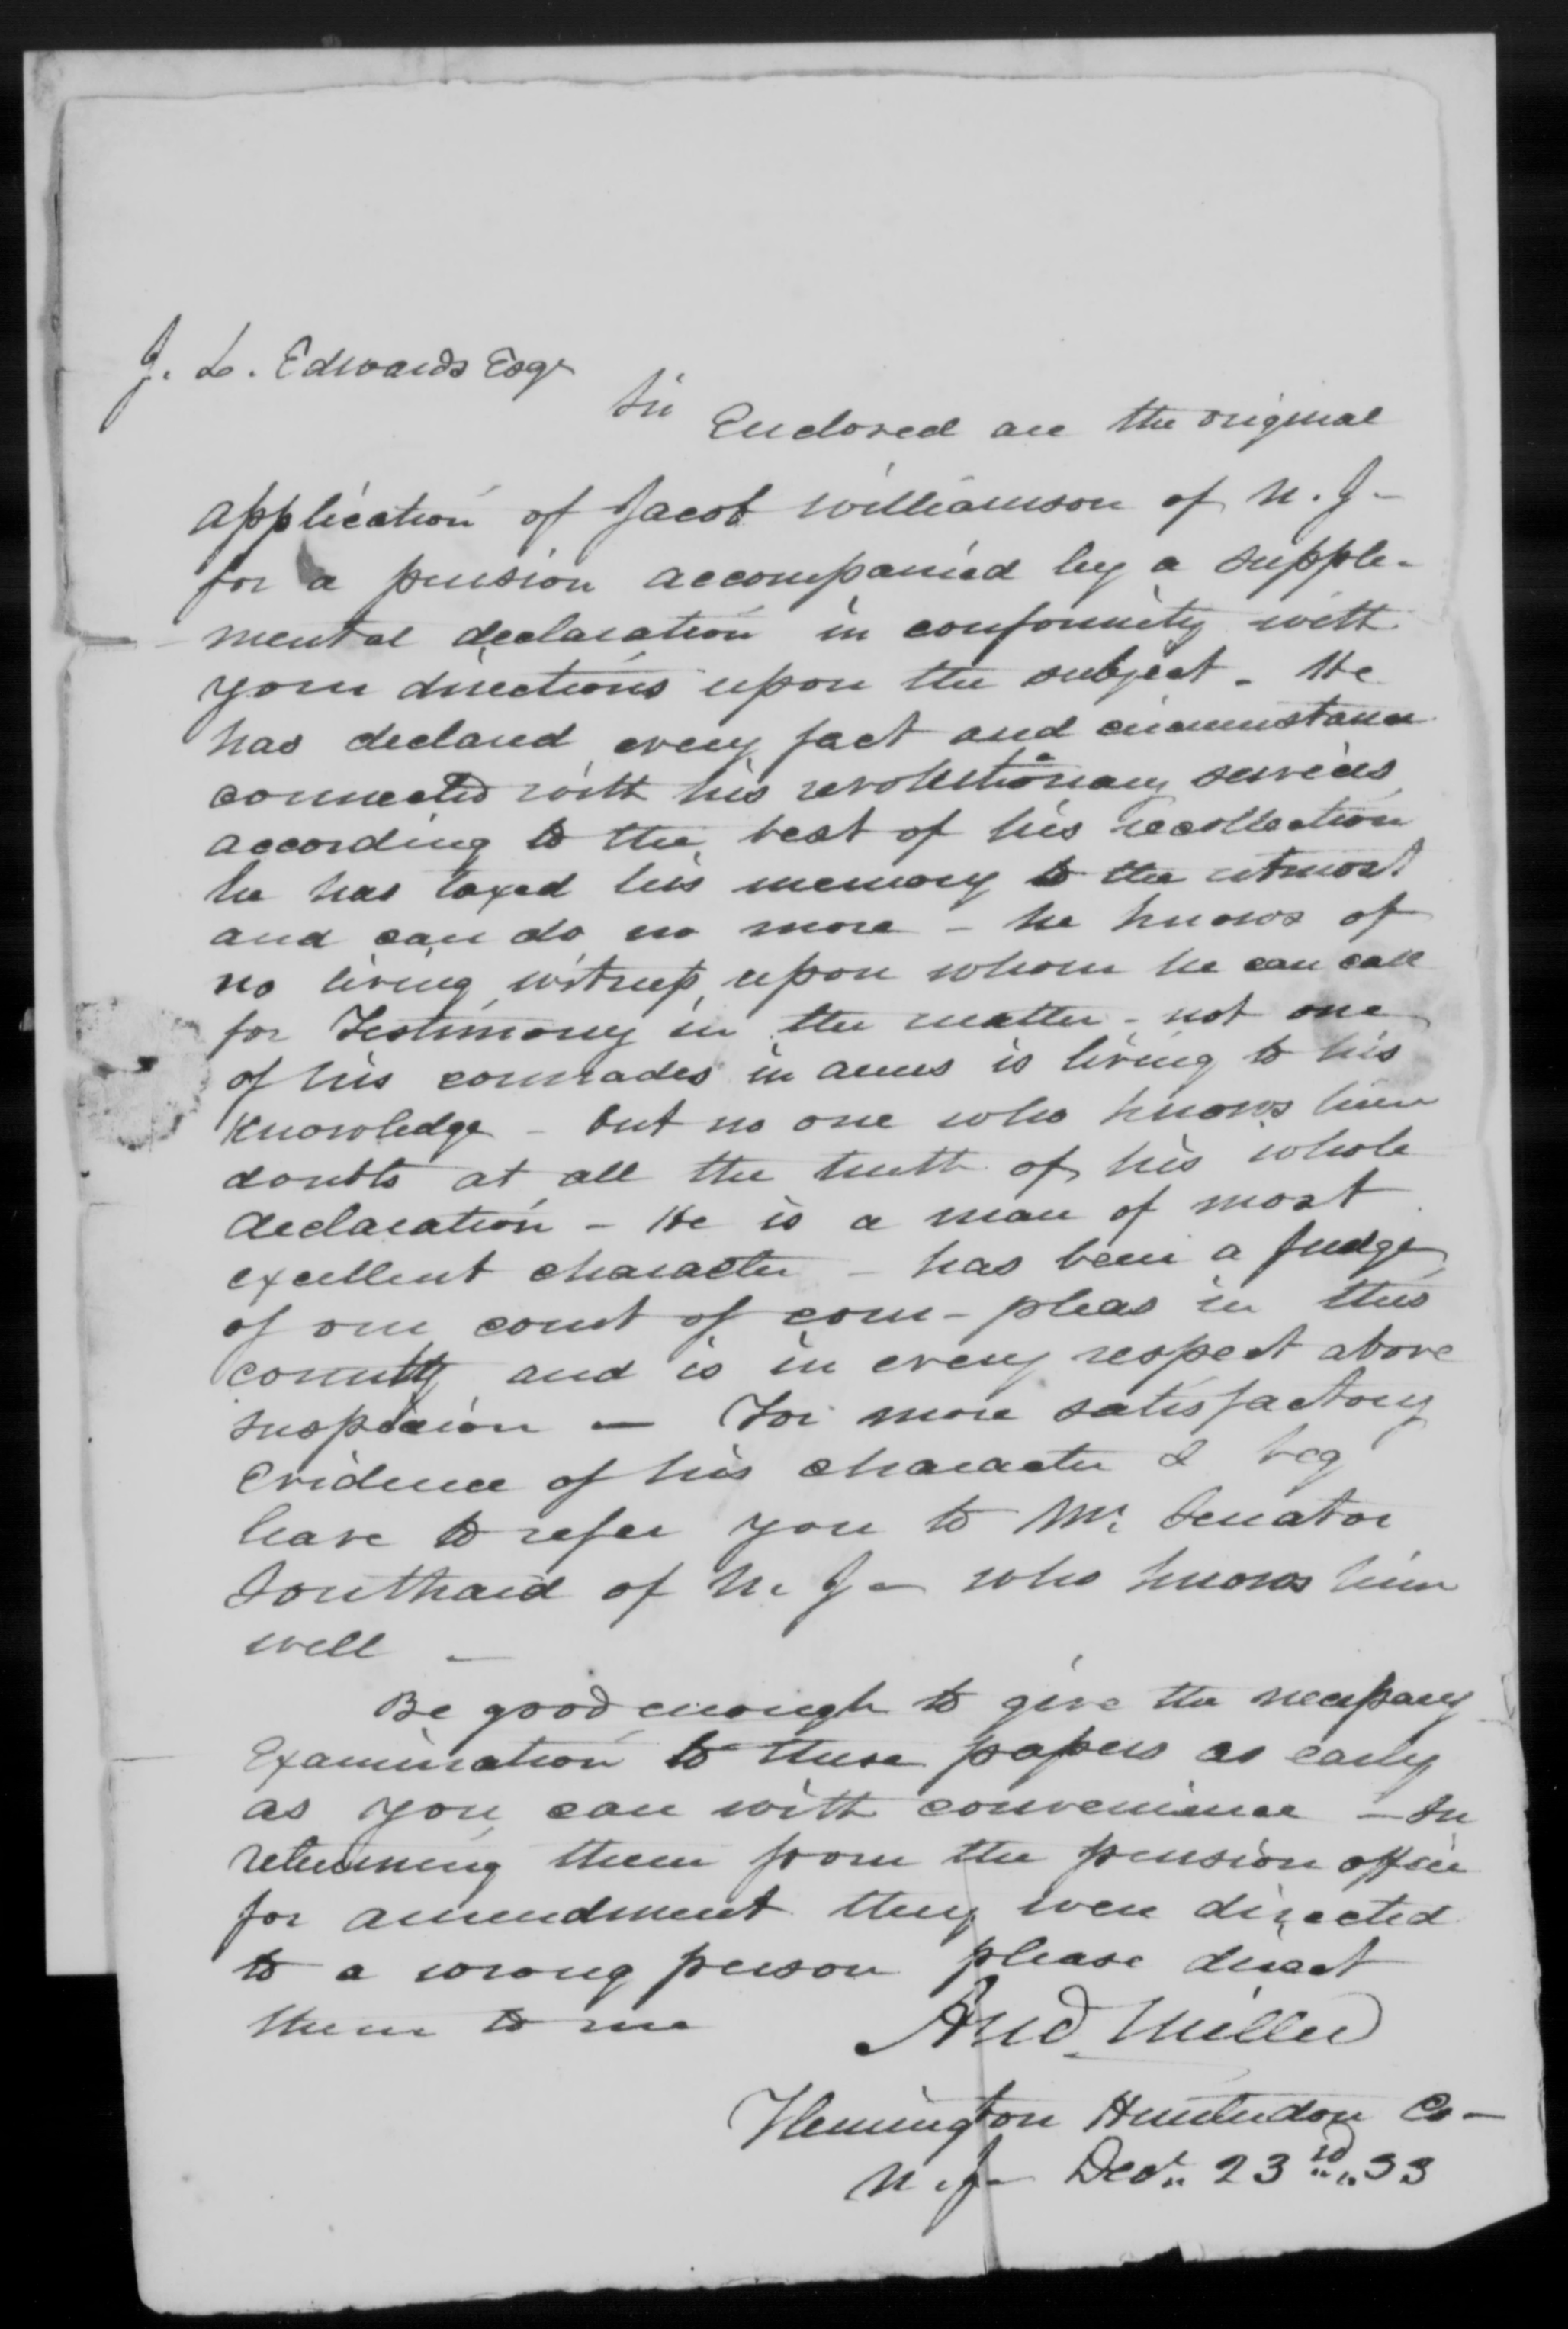J.L. Edwards, Esq.

Sir,

Enclosed are the original application of Jacob Williamson of N.J. for a pension accompanied by a supplemental declaration in conformity with your directions upon the subject. He has declared every fact and circumstance connected with his revolutionary services according to the best of his recollection. He has taxed his memory to the utmost and can do no more. He knows of no living witness upon whom he can call for testimony in the matter. Not one of his comrades in arms is living to his knowledge. But no one who knows him doubts at all the truth of his whole declaration. He is a man of most excellent character. Has been a Judge of one Court of Com(mon) Pleas in this County and is in every respect above suspicion. For more satisfactory evidence of his character, I beg leave to refer you to Mr. Senator Southard of N.J. who knows him well.

Be good enough to give the necessary examination to these papers as early as you can with convenience. In retaining them from the Pension Office for amendment they were directed to a wrong person. Please direct them to me.
s/ And(rew) Miller
Flemington, Hunterdon Co., N.J.
Dec. 23rd '33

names: J L Edwards, Senator Southard, And Miller, Jacob Williamson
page: 51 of 67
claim: widow's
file: W. 2393, Jacob Williamson, New Jersey